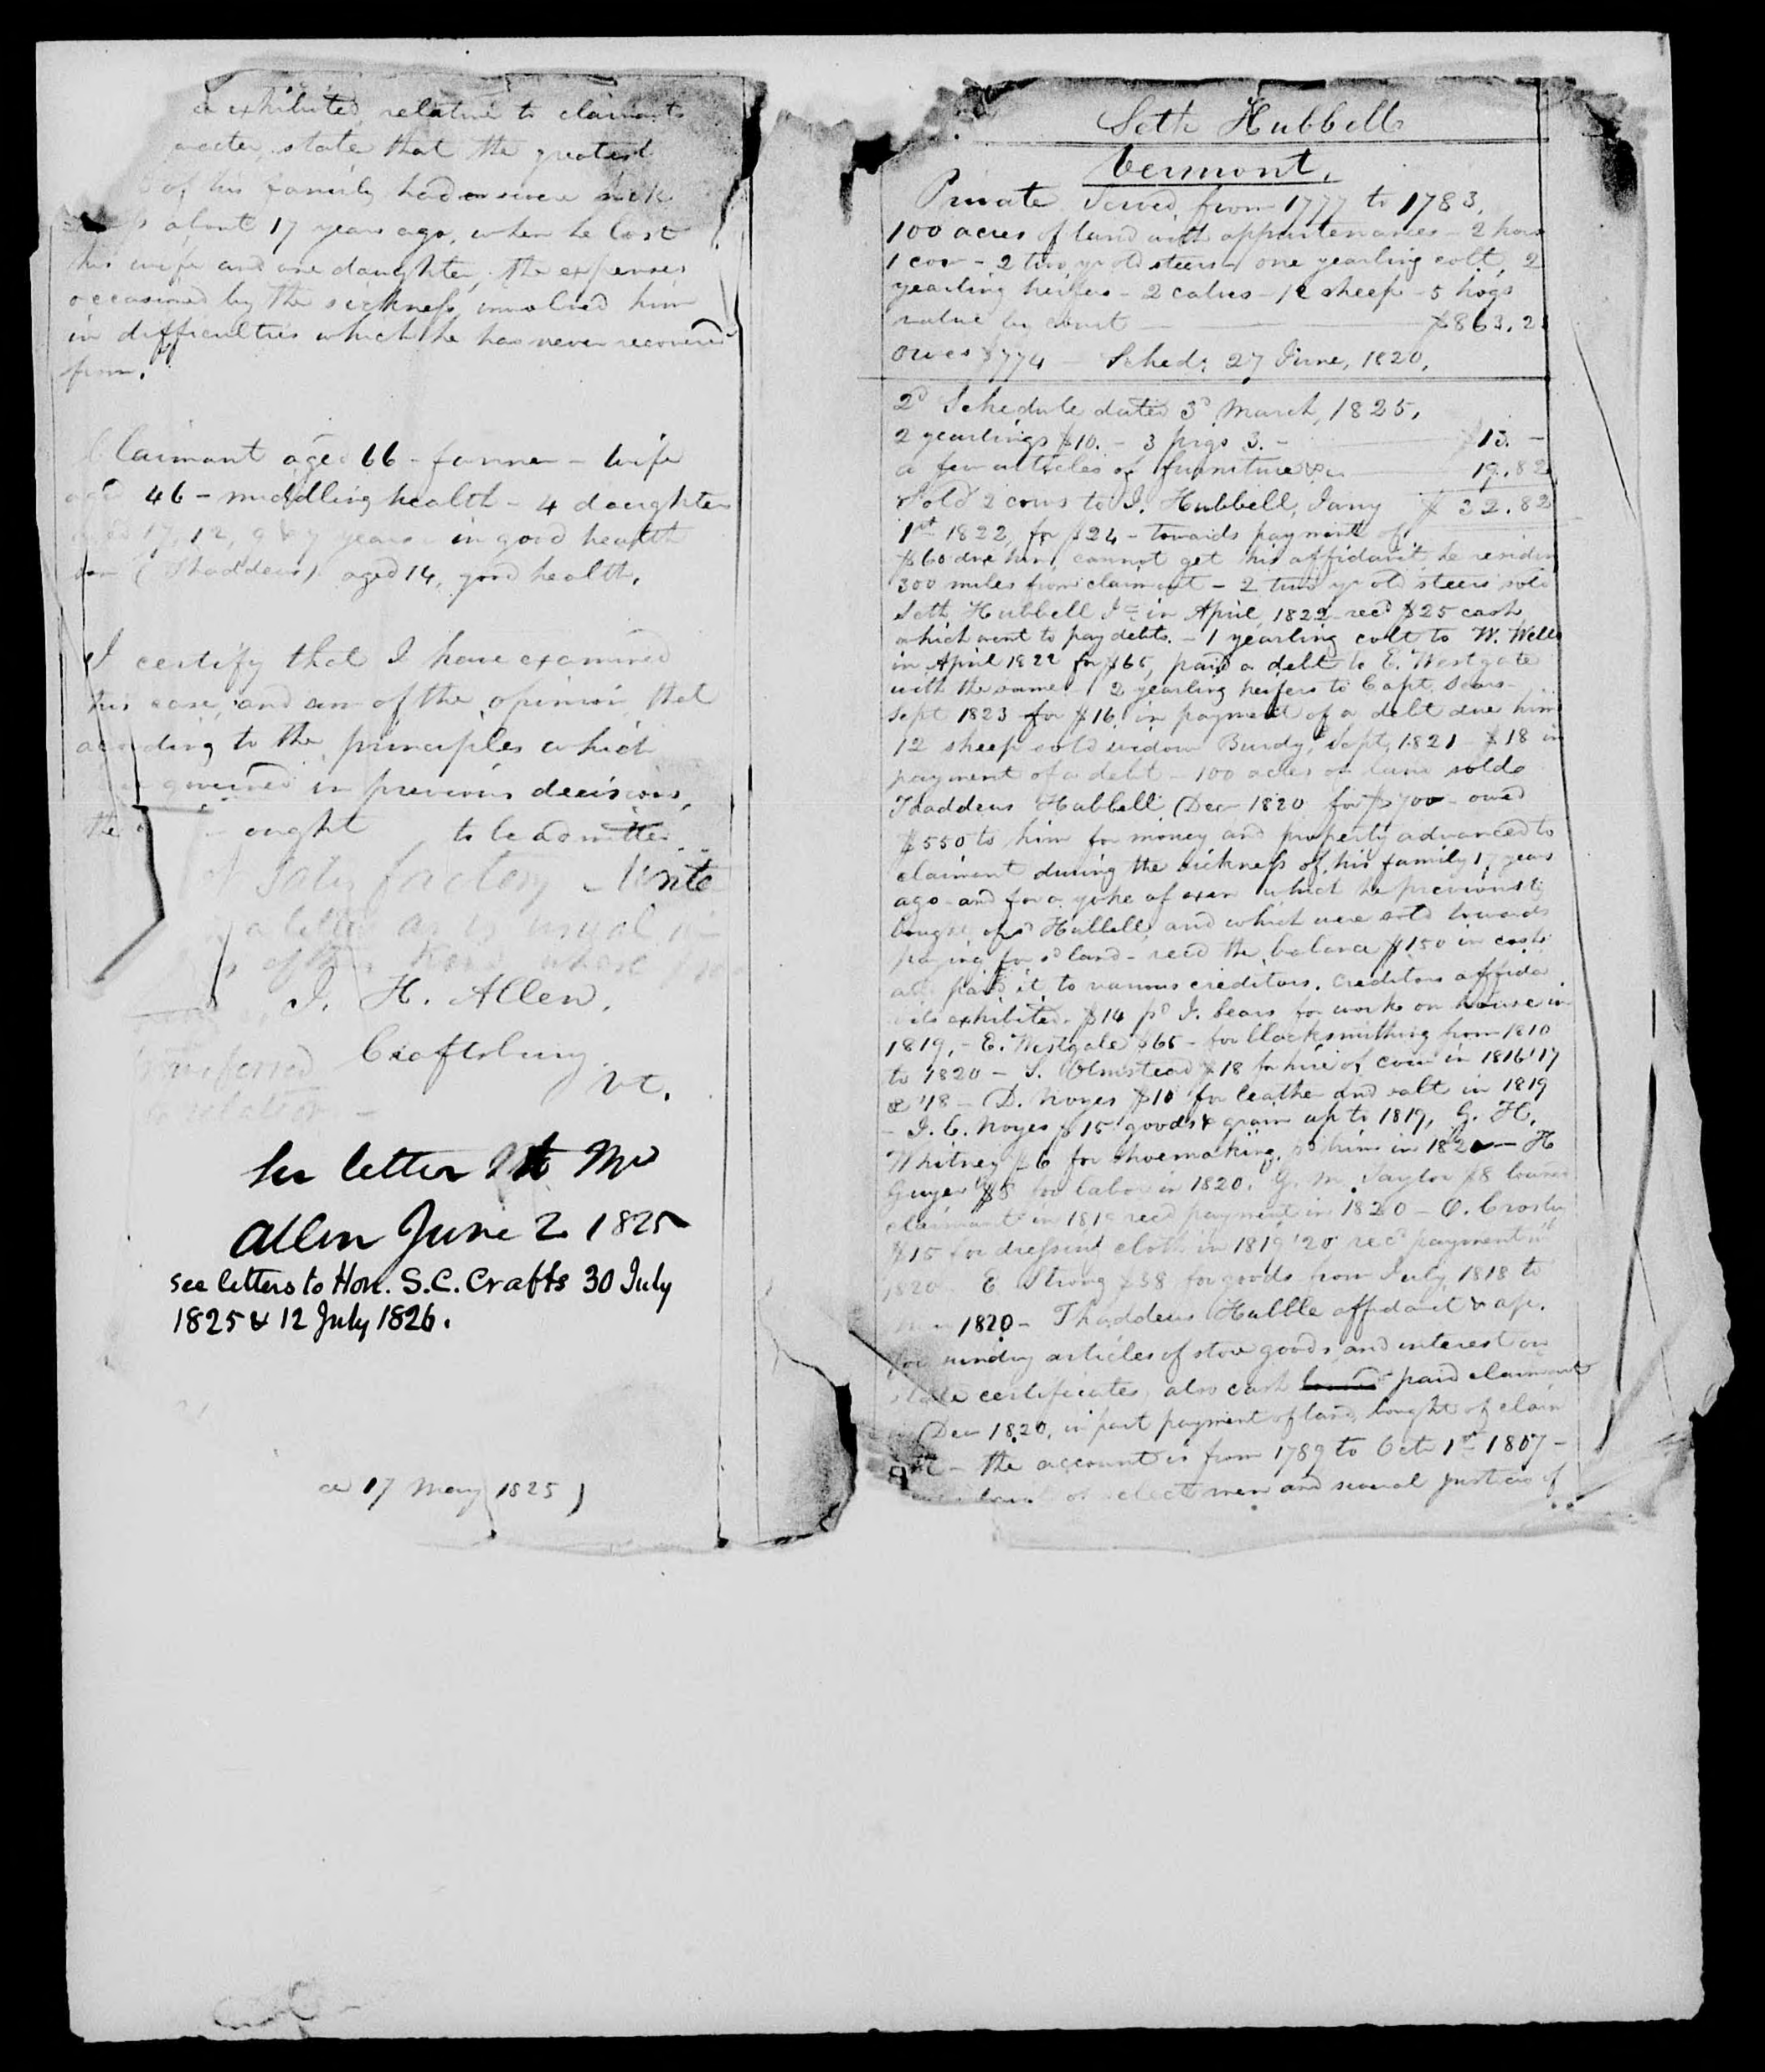a exhibited relative to claimant {illegible} state that the greatest of his family had {illegible} about 17 years ago when he lost his wife and one daughter the expense occasioned by the sickness involved him in difficulties which he has never recovered from.

 claimant age 66-farmer-wife age 46-middling ,health-4 daughters aged ,17,12,9 & 7 years in good health son (Thaddeus) aged14 , good health,
I certify that I have examined this case and am of the opinion that according to the principles which {illegible} governed in previous decisions the {illegible} ought to be admitted of Tates factory {illegible} a letter as to usual in {illegible} of that {illegible} whose {illegible}
I. H. Allen Craftbury {?} Vt.
{illegible} letter to Mr. Allen June 21825
See letters to Hove. S.C. Crafts 30 July 1825 & 12 July 1826.
17 May 1825
Seth Hubbell
Vermont.
Private served from 1777 to 1783. 
100 acres of land with appartenances- 2 horse 1 cow- 2 two year old steers-one yearling colt 2 yearling heifers-2 calves-1 sheep-5 hogs value by about 863.28 owes $774--sched:27 June 1820.
2 Schedule dates 3rd March 1825.
2 yearlings #10.- 3 pigs 3.- ----13.--
a few articles of furniture----19.82
Sold 2 cows to I Hubbell, {illegible} $32.82
1st -1882, for $26.- towards payment of to 60 due him, cannot get his affidavit he sending {?} 300 miles from claiment-2 two yr old steers sold Seth Hubbell I=in April 1822 recd $25 cash which went to pay debts. 1 yearling colt do W. Well in April 1822 for $65, paid a debt to E. Westgate with the same 2 yearling heifers to Capt. Sears- Sept 1823 for $16 in payment of a debt due him. 12 sheep sold widow Burdy, Sept 1821= $18 in payment of a debt- 100 acres of land sold Thaddeus Hubbel Dec 1820 for to you-owe $550 to him for money and property advances to claimant during the sickness of his family 17 years ago and for a yoke of oxen which he previously bought of Hubbell and which were pout towards I. G. Noyes $15 goods and grain wh to 1819, G.H Whitney paying for land-recd the balance of $150 in cash {illegible} it to various creditors. Creditors affidavits exhibited $14 for . Sears for work in house in 1819- E. Westgate $65- for blacksmithing form 1810-1820 - S. Olmstead of $18 for hire of cows in 1819- D. Noyes $10 for leather and salt in 1819- I.G. Noyes  $15 goods and grain up to 1819, G. H. Whitney $6 for shoemaking{illegible} him in 1820. A Geyser {?} $8 for labor in 1820. G. M. Taylor $8 loaned claimant in 1819 recd payment in 1820- A. Crosby $15 for edressien cloth in 1819 "20 recd payment 1820. E Strong $38 for goods from July 1818 to may 1820. - Thaddeus Hubbelle affidact & asse 
for {illegible} articles of store goods and interest on state certificate, also cash paid claimant Dec 1820 in part payment of land, bought of claim-the account is from 1789to Oct 1st 1807 {illegible} of select men and several question of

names: S C Crafts, Thaddeus Hubble, Z H Whitney, D Noyes, J Sears, Seth Hubbell, E Strong, E Westgate, S Olmstead, Thaddeus Hubbell, O Crosby, Z M Taylor, J C Noyes, J Hubbell, I H Allen, W Wells, Bundy, H Gregor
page: 51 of 114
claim: widow's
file: W. 2115, Seth Hubbell, Conn.